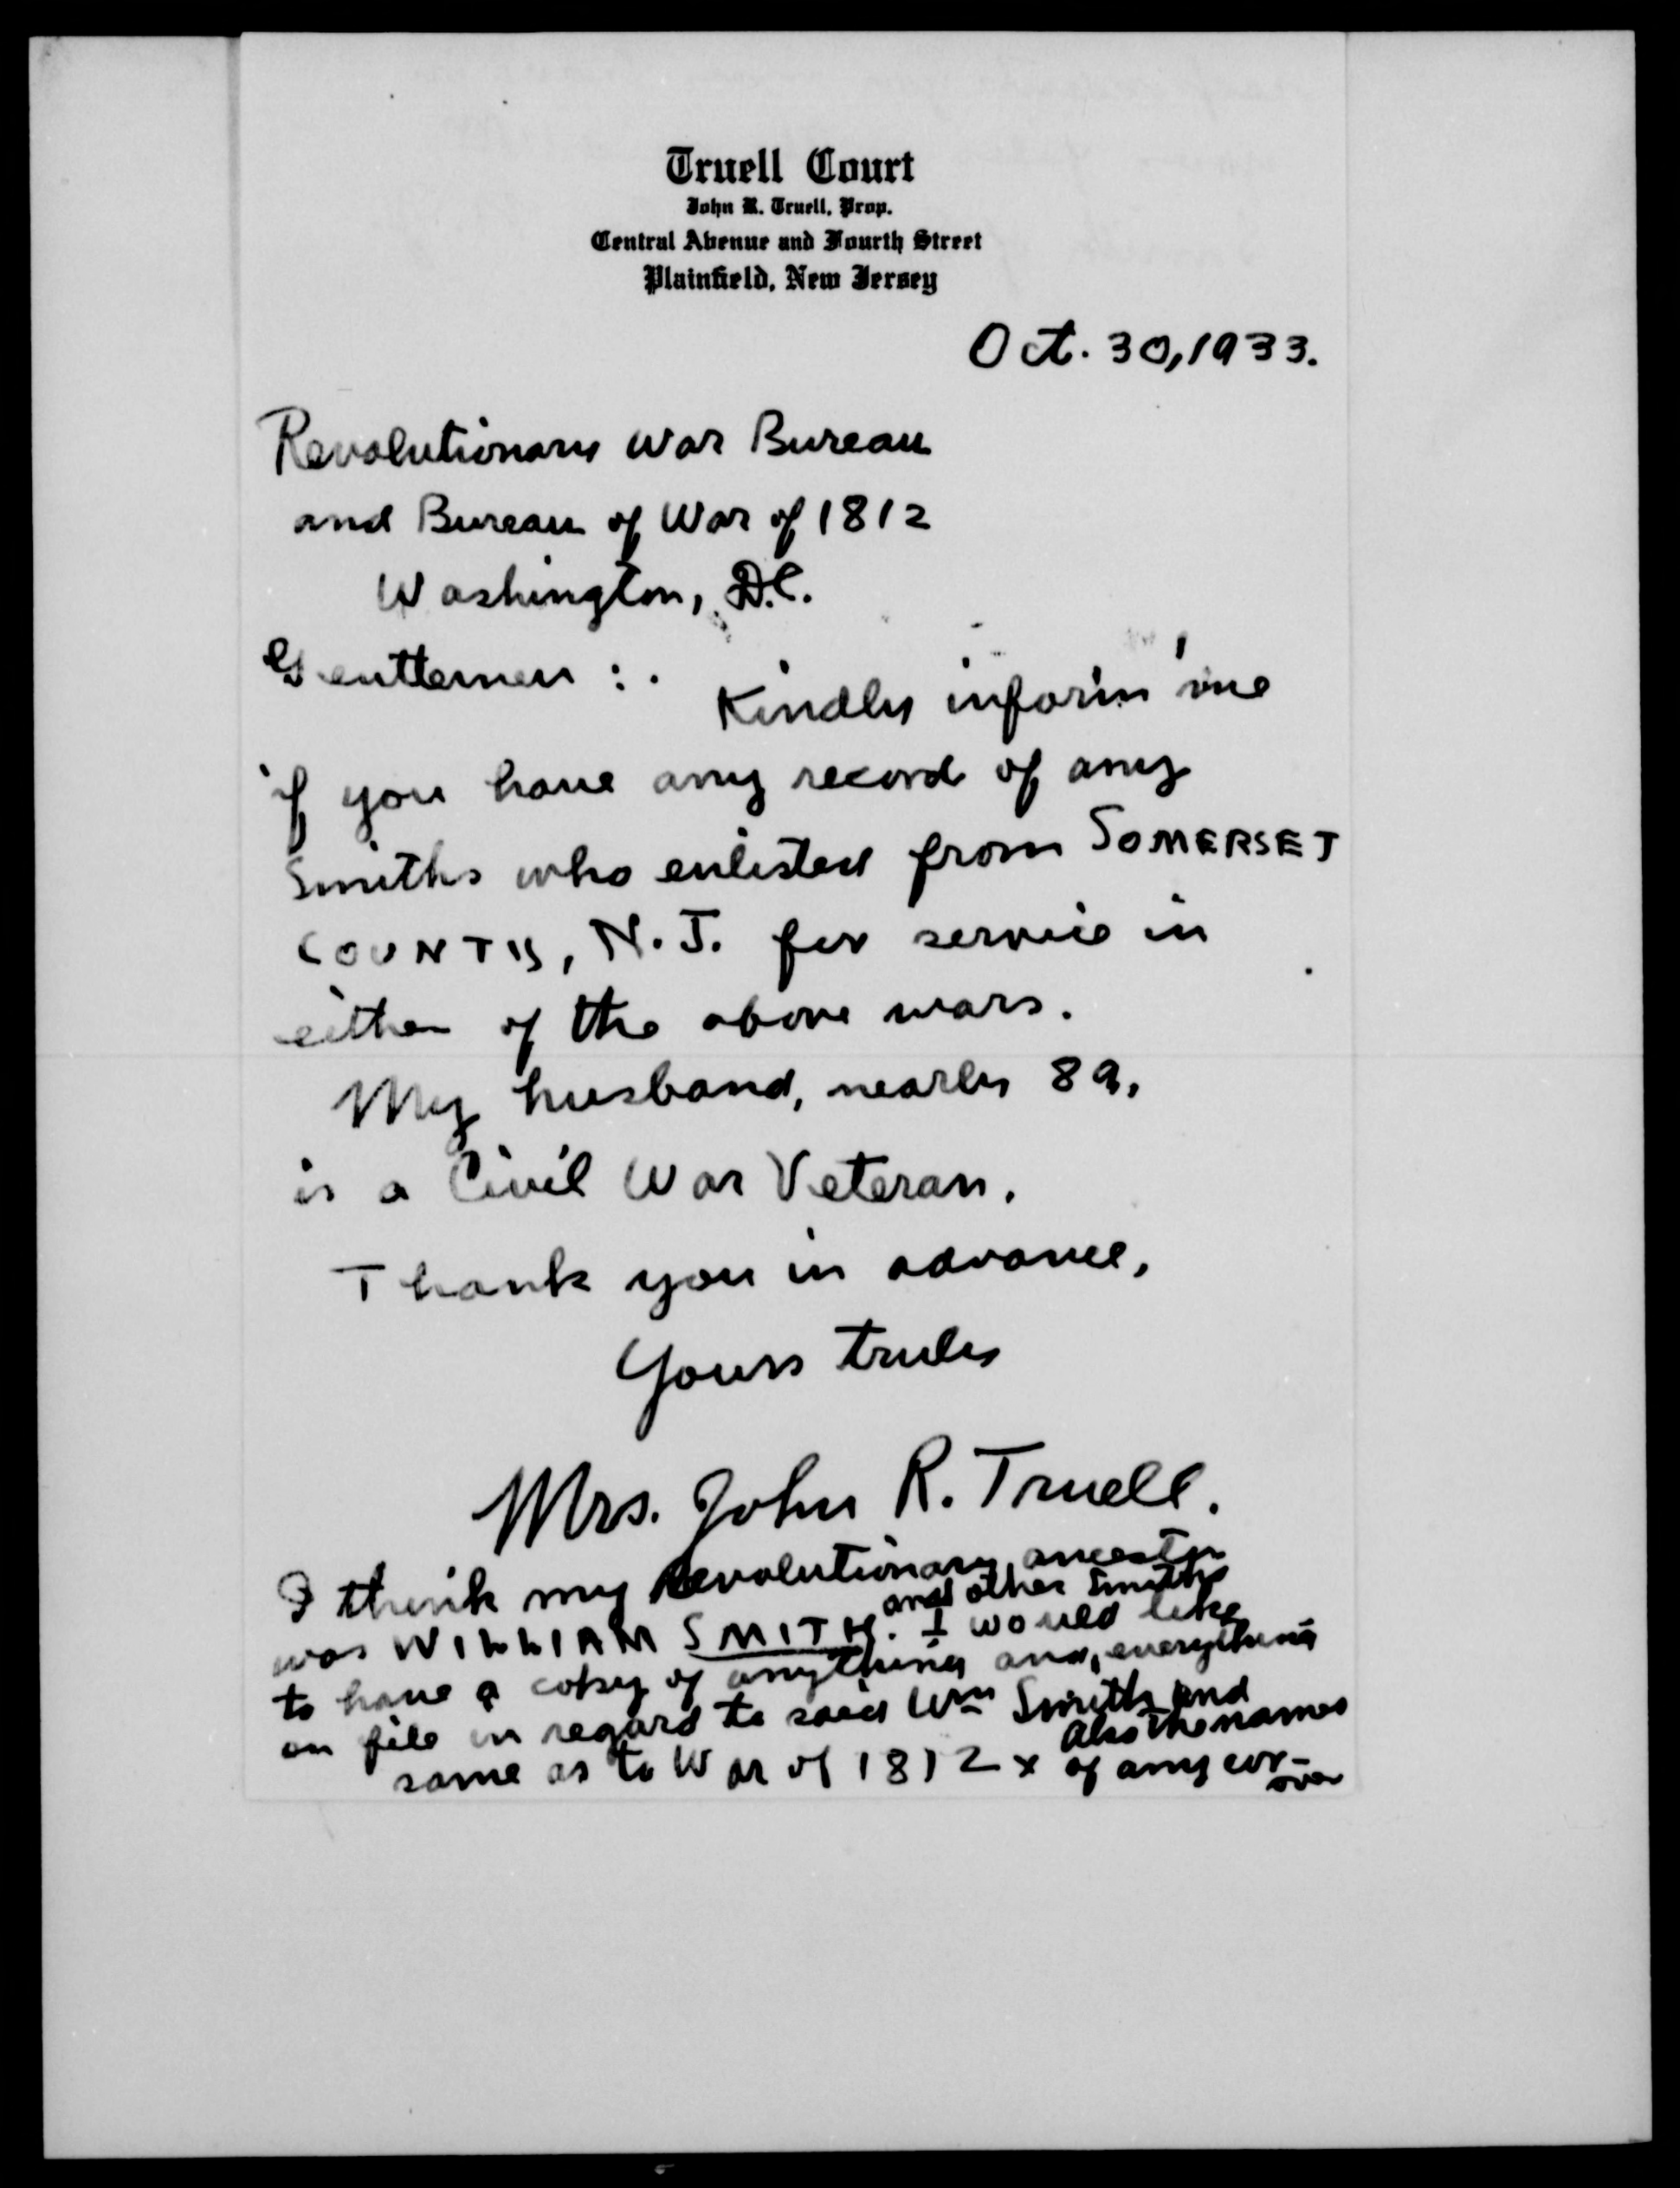Truell Court
John R. Truell, Prop.
Central Avenue and Fourth Street
Plainfield, New Jersey
Oct. 30, 1933

Revolutionary Was Bureau
and Bureau of War of 1812
Washington, D.C.
Gentlemen:
Kindly inform me
if you have any record of any
Smiths who enlisted from SOMERSET
COUNTY, N.J. for service in
either of the above wars.
My husband, nearly 89,
is a Civil War Veteran,
Thank you in advance,
Yours truly
Mrs. John R. Truell
I think my Revolutionary ancestor
was WILLIAM SMITH and other Smiths. I would like  like 
to have a copy of anything and everything
on file in regard to said Wm Smith and the 
same as to War of 1812 x Also the names of any [illeg of [illegible] - over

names: William Smith; John R Truell; John R Truell; Wm Smith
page: 21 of 27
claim: survivor's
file: S. 915, for William Smith, New Jersey